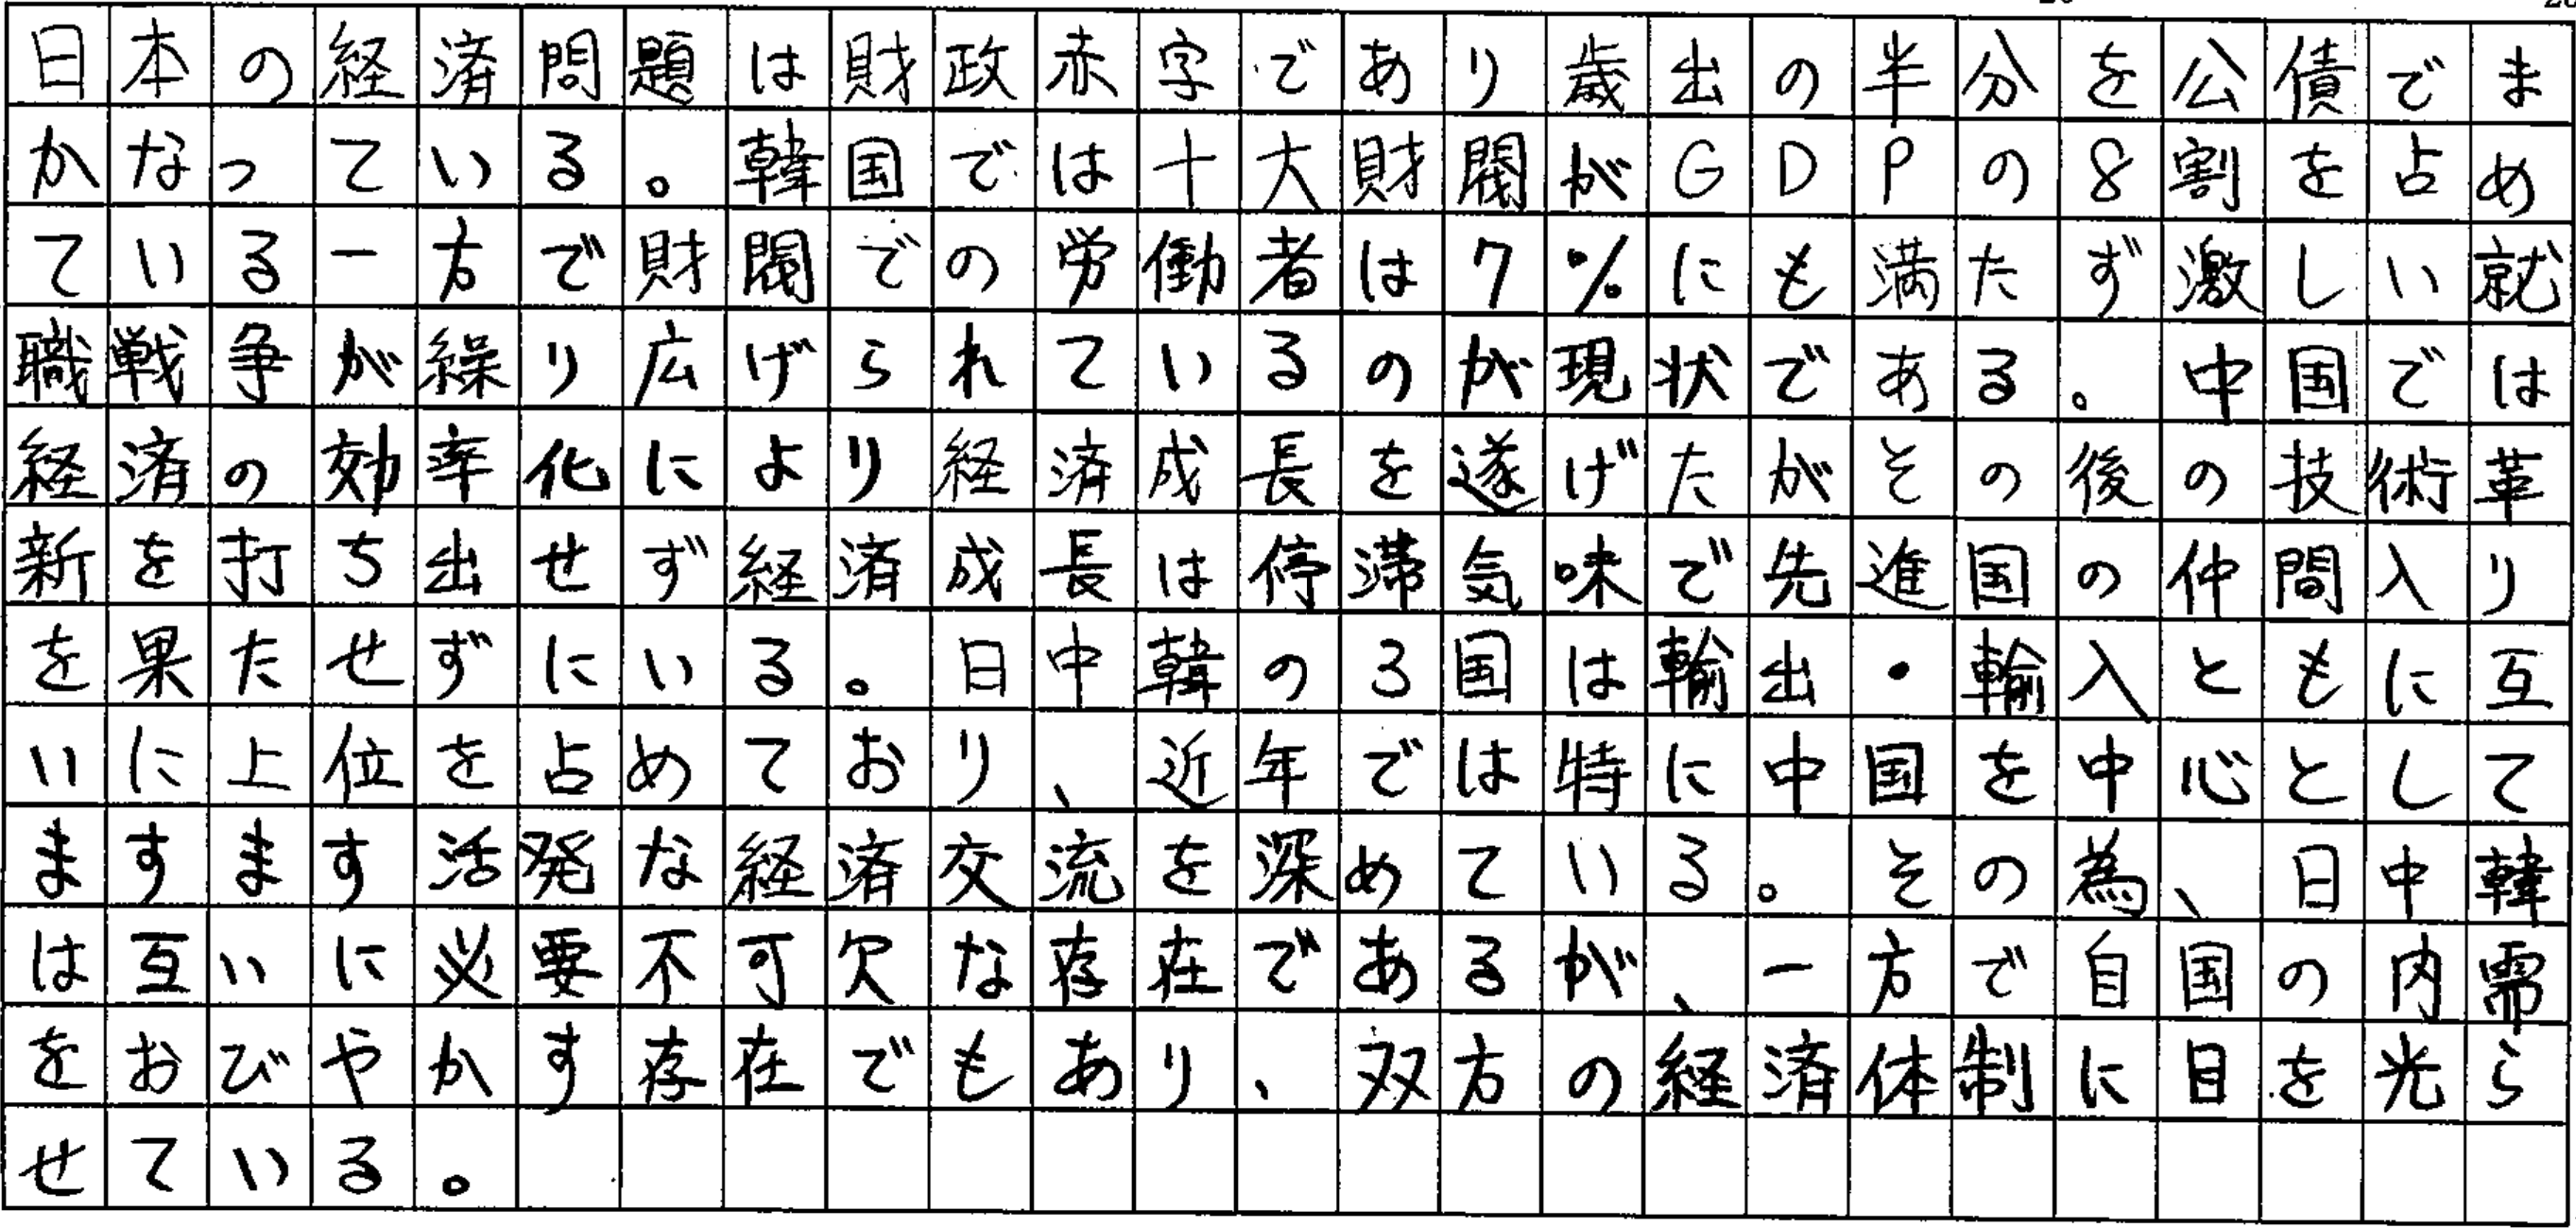日本の経済問題は財政赤字であり歳出の半分を公債でまかなっている。韓国では十大財閥がＧＤＰの８割を占めている一方で財閥での労働者は７％にも満たず激しい就職戦争が繰り広げられているのが現状である。中国では経済の効率化により経済成長を遂げたがその後の技術革新を打ち出せず経済成長は停滞気味で先進国の仲間入りを果たせずにいる。日中韓の３国は輸出・輸入ともに互いに上位を占めており、近年では特に中国を中心としてますます活発な経済交流を深めている。その為、日中韓は互いに必要不可欠な存在であるが、一方で自国の内需をおびやかす存在でもあり、双方の経済体制に目を光らせている。
